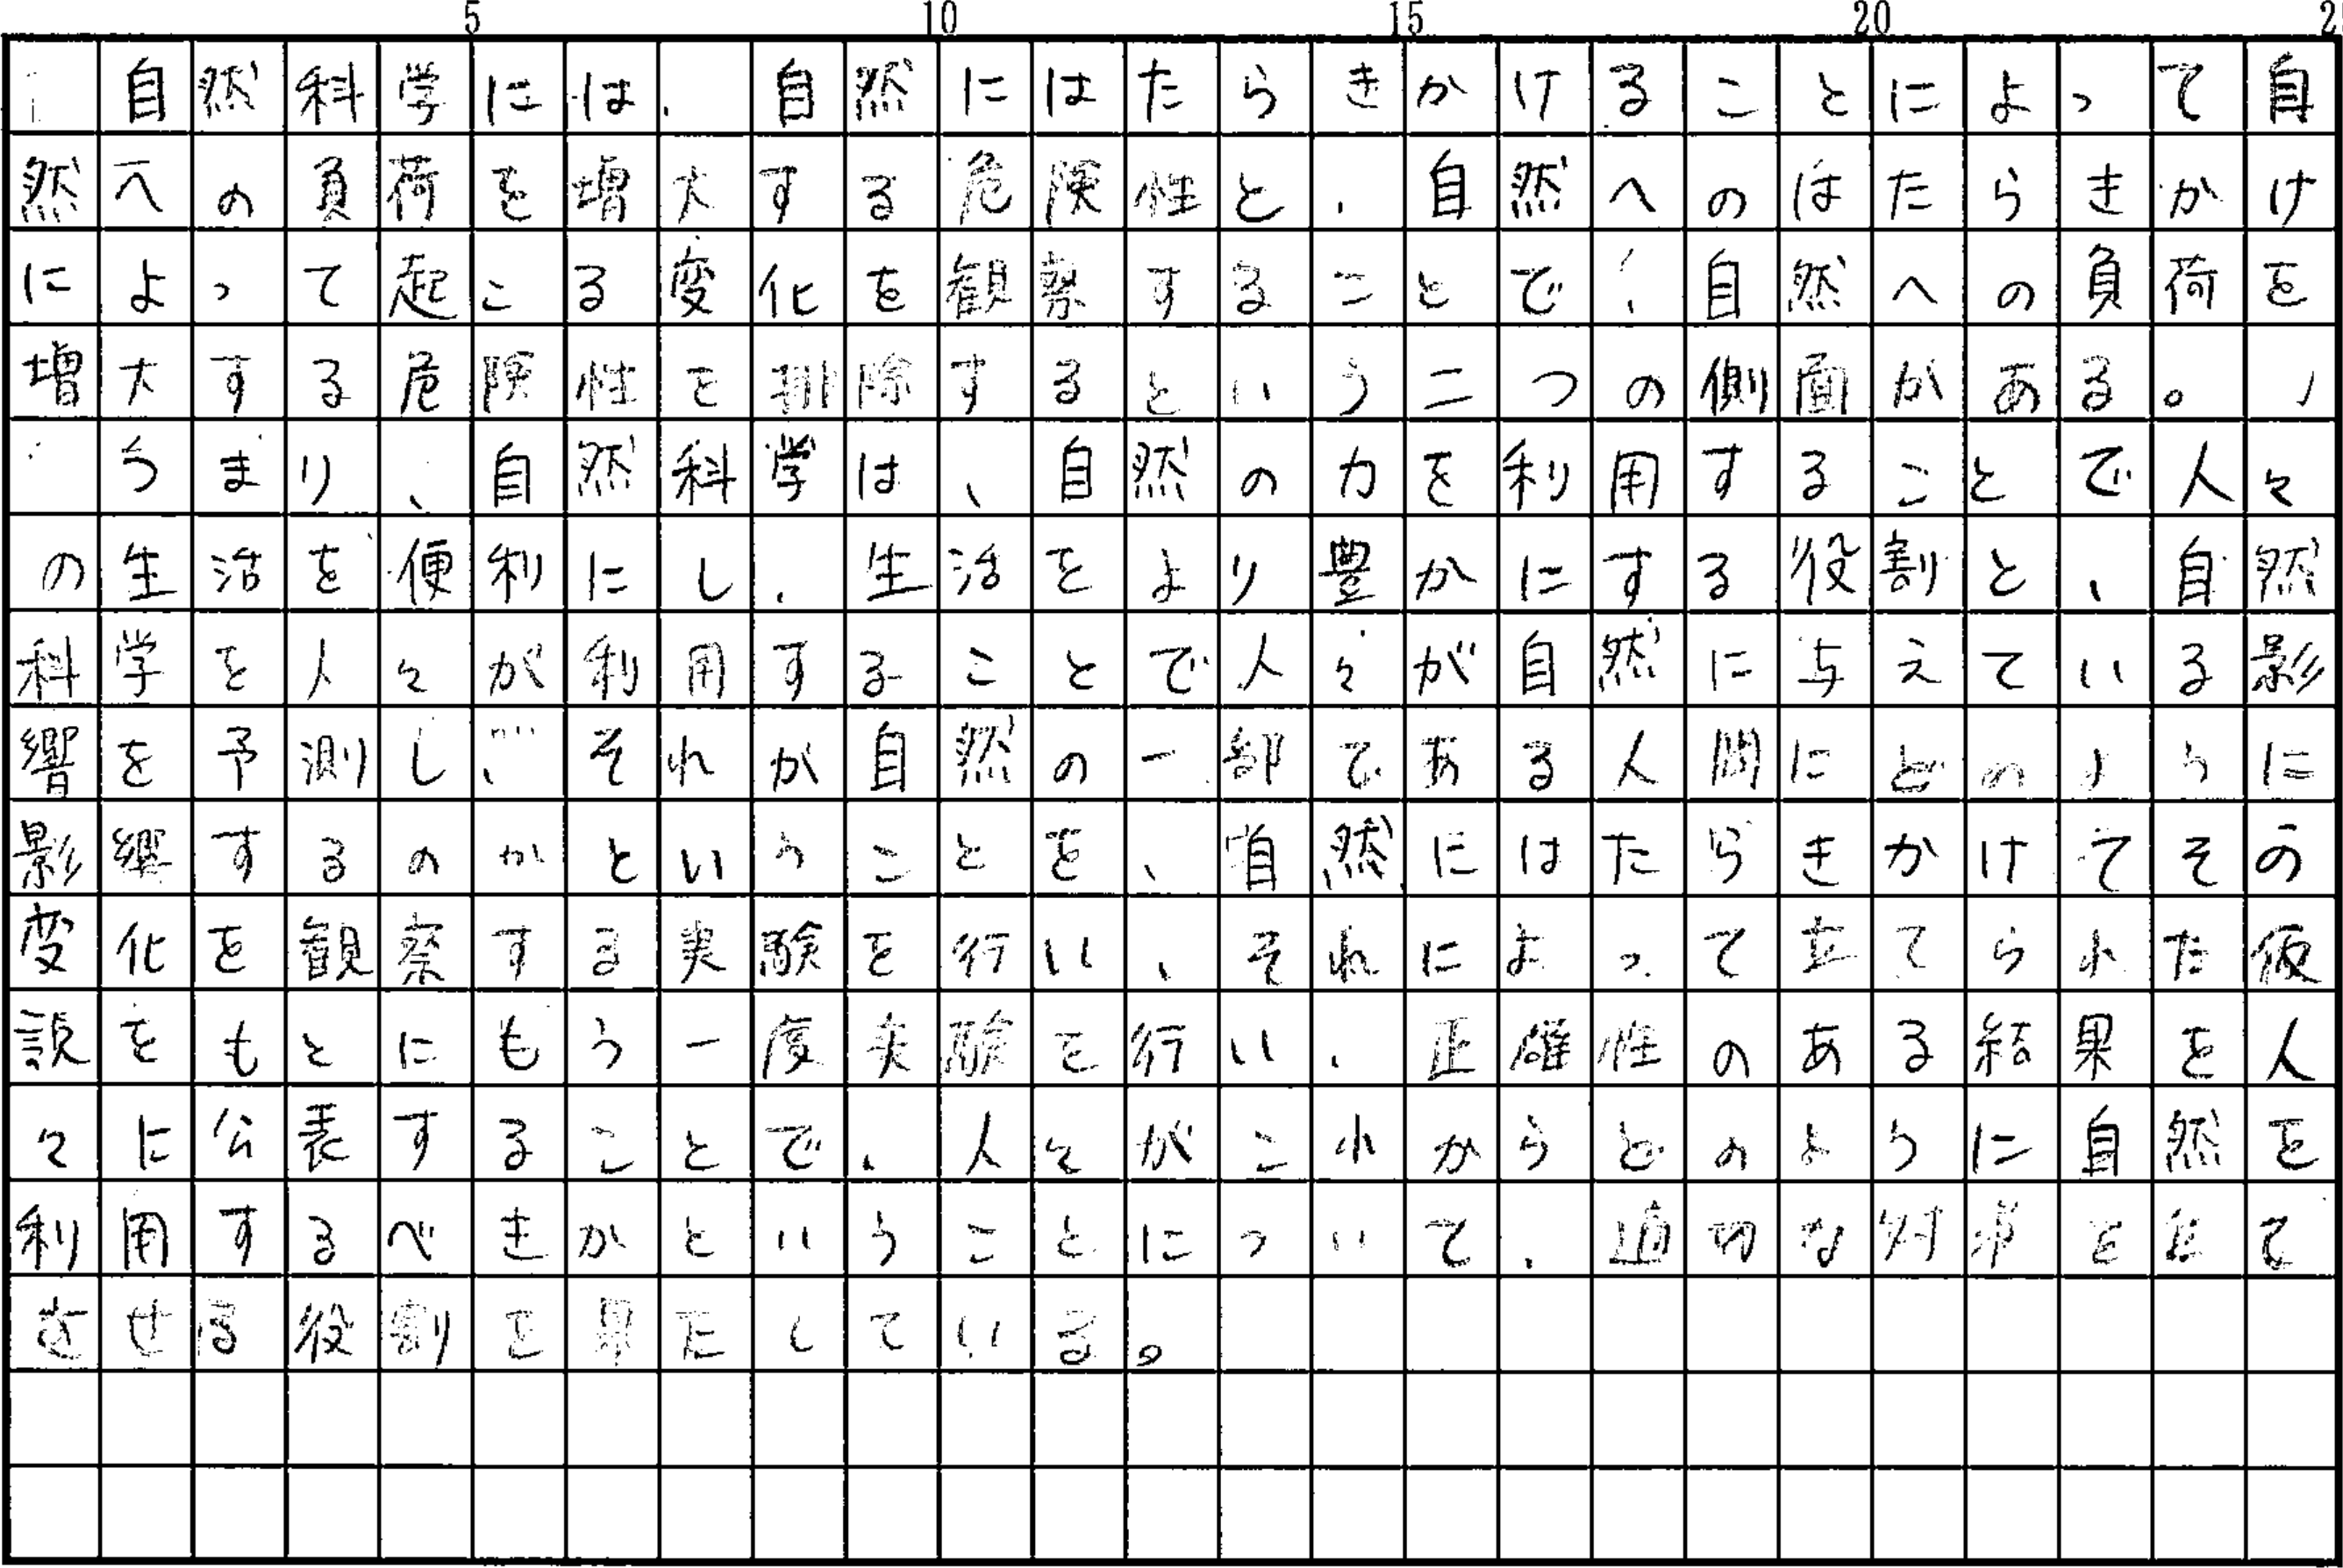　自然科学には、自然にはたらきかけることによって自然への負荷を増大する危険性と、自然へのはたらきかけによって起こる変化を観察することで、自然への負荷を増大する危険性を排除するという二つの側面がある。
　つまり、自然科学は、自然の力を利用することで人々の生活を便利にし、生活をより豊かにする役割と、自然科学を人々が利用することで人々が自然に与えている影響を予測し、それが自然の一部である人間にどのように影響するのかということを、自然にはたらきかけてその変化を観察する実験を行い、それによって立てられた仮説をもとにもう一度実験を行い、正確性のある結果を人々に公表することで、人々がこれからどのように自然を利用するべきかということについて、適切な対策を立てさせる役割を果たしている。
